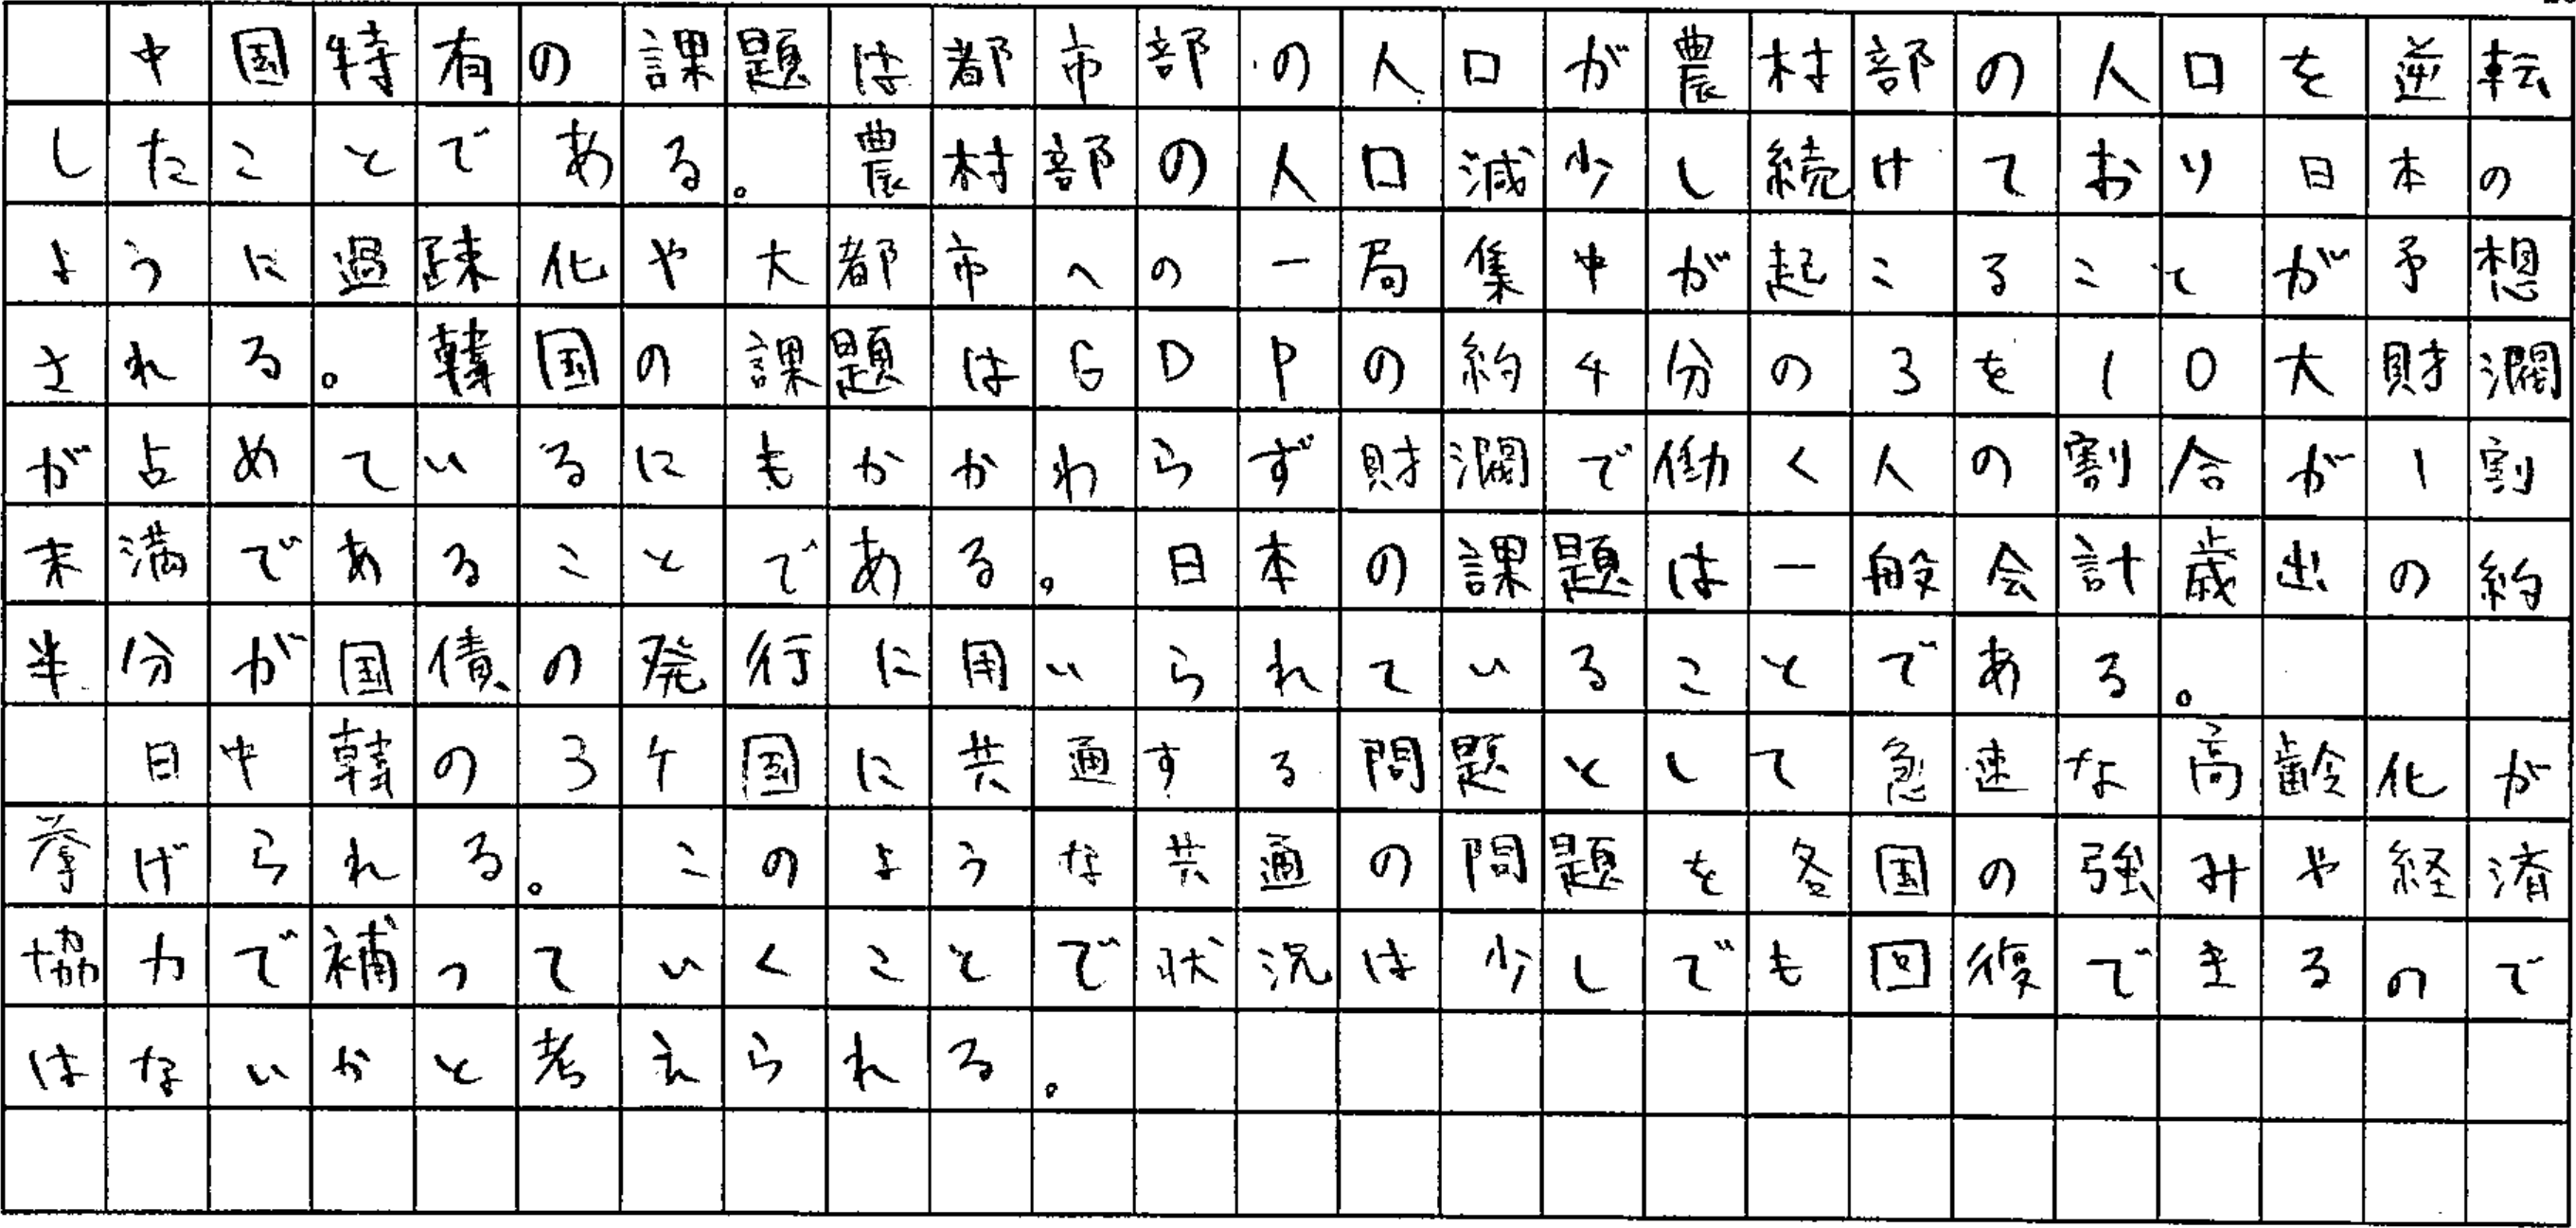　中国特有の課題は都市部の人口が農村部の人口を逆転したことである。農村部の人口減少し続けており日本のように過疎化や大都市への一局集中が起こることが予想される。韓国の課題はＧＤＰの約４分の３を１０大財▁が占めているにもかかわらず財▁で働く人の割合が１割末満であることである。日本の課題は一般会計歳出の約半分が国債の発行に用いられていることである。
　日中韓の３ケ国に共通する問題として急速な高齢化が挙げられる。このような共通の問題を各国の強みや経済協力で補っていくことで状況は少しでも回復できるのではないかと考えられる。
